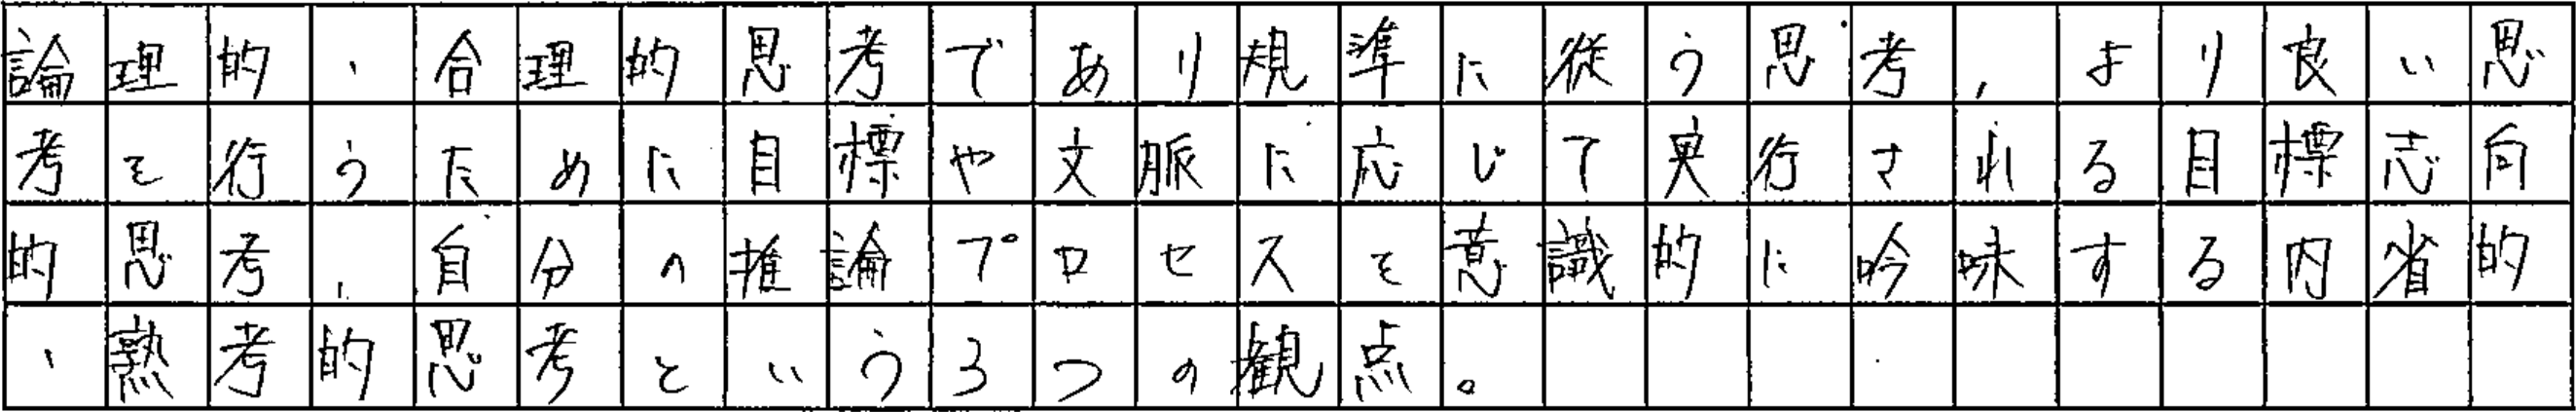論理的・合理的思考であり規準に従う思考、より良い思考を行うために目標や文脈に応じて実行される目標志向的思考、自分の推論プロセスを意識的に吟味する内省的・熟考的思考という３つの観点。
